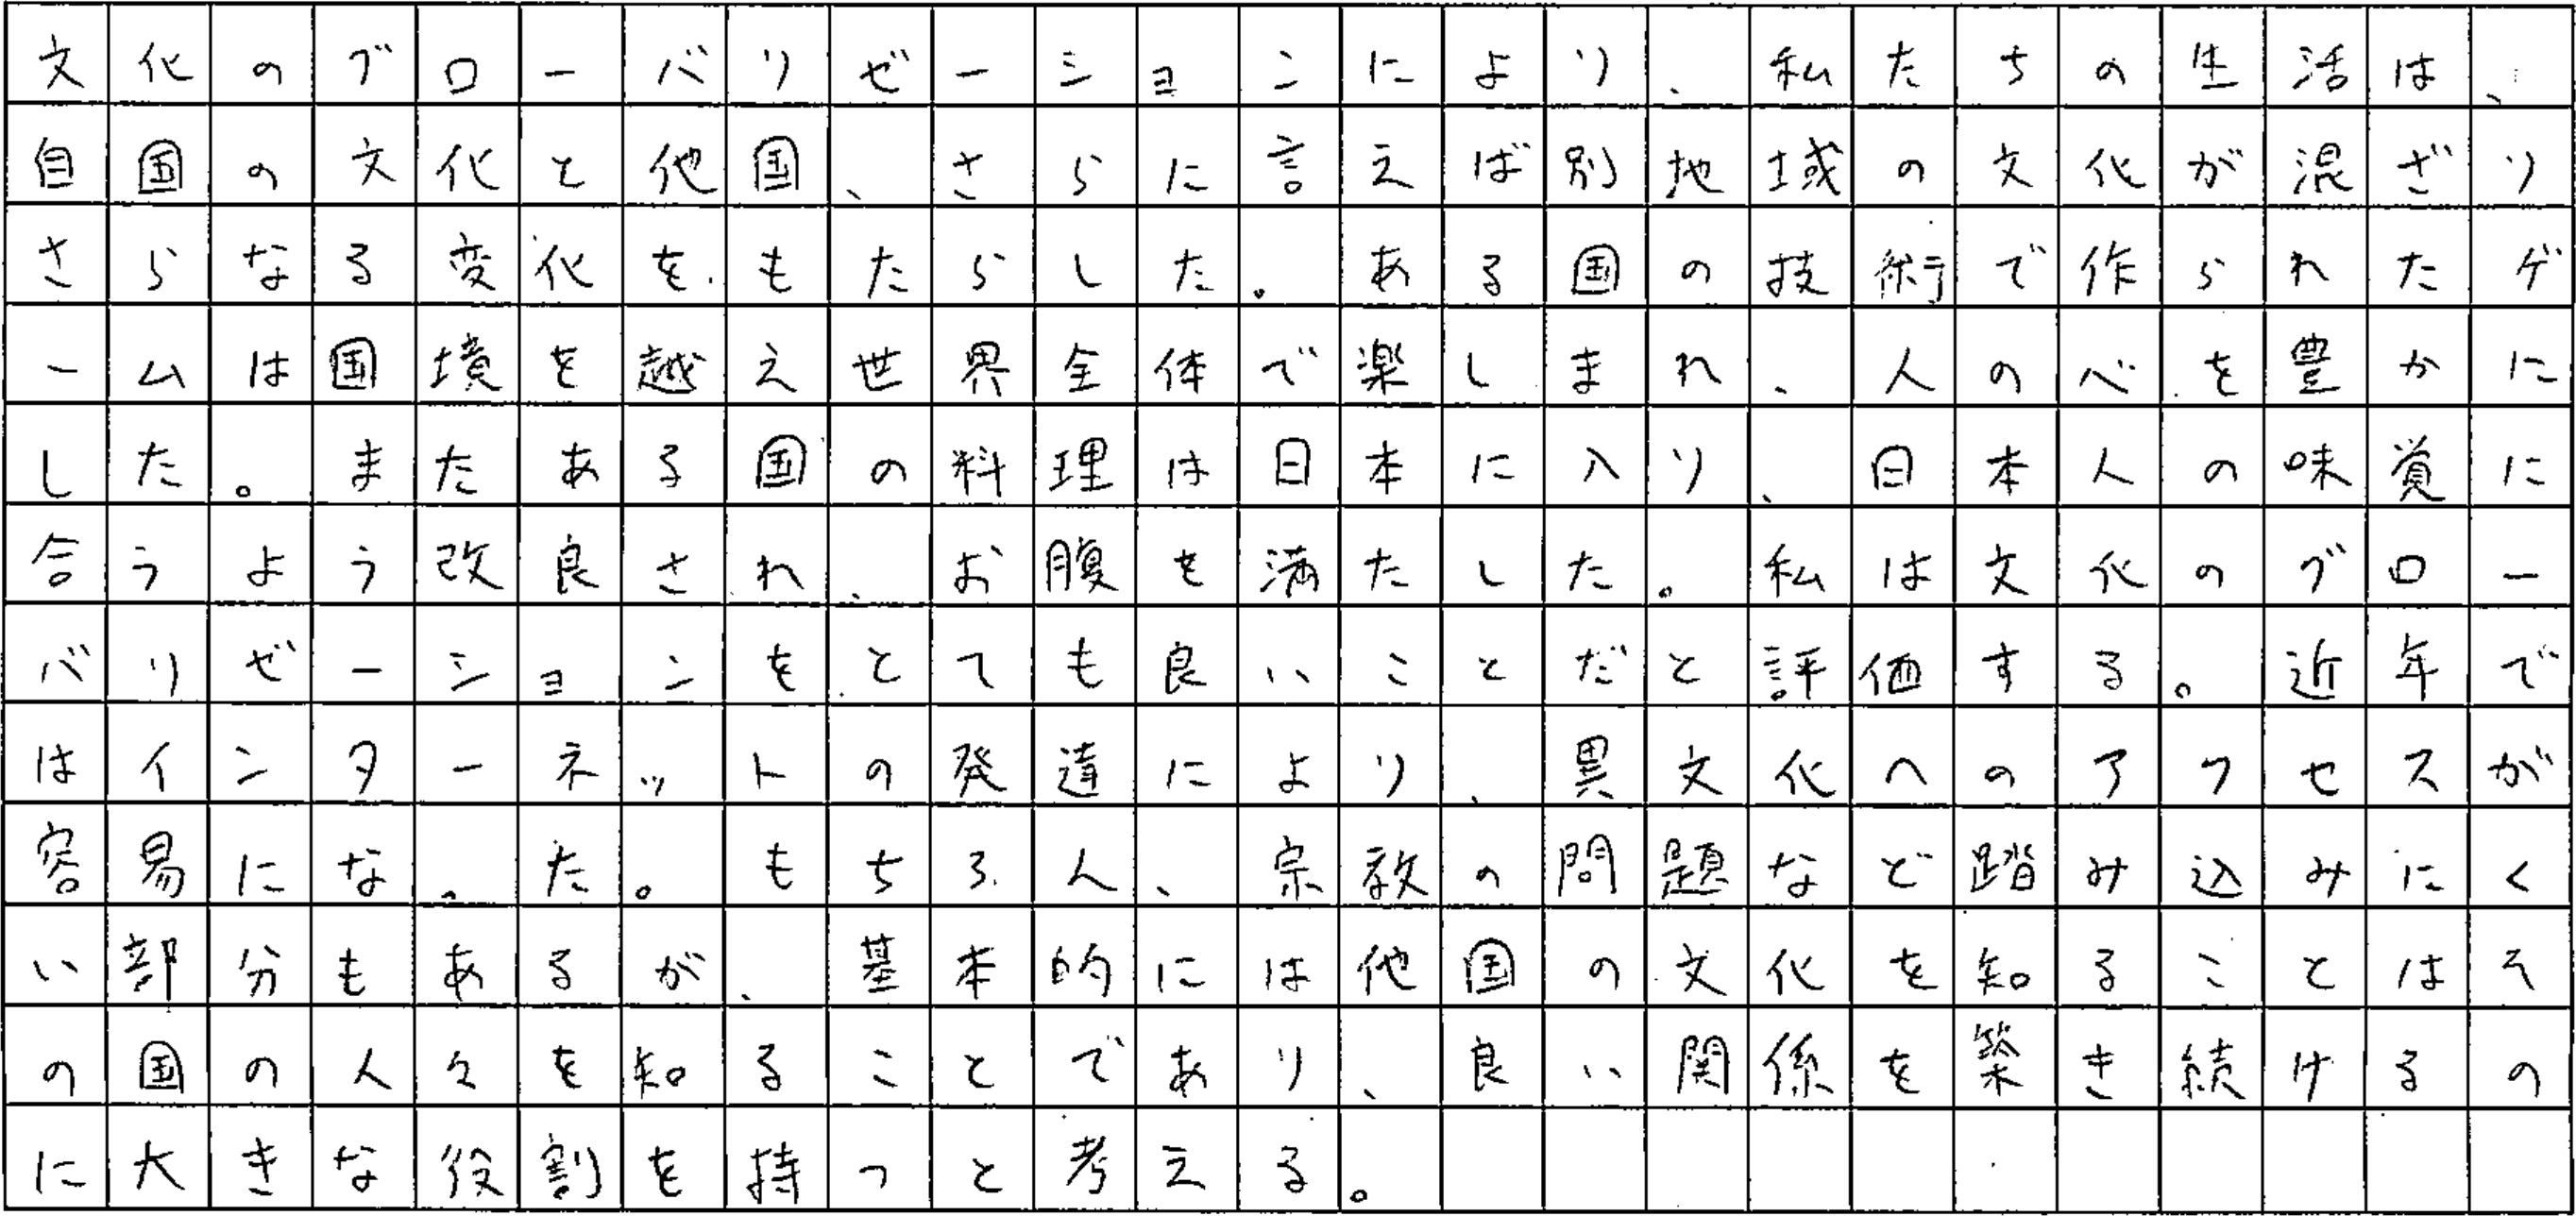文化のグローバリゼーションにより、私たちの生活は、自国の文化と他国、さらに言えば別地域の文化が混ざりさらなる変化をもたらした。ある国の技術で作られたゲームは国境を越え世界全体で楽しまれ、人の心を豊かにした。またある国の料理は日本に入り、日本人の味覚に合うよう改良され、お腹を満たした。私は文化のグローバリゼーションをとても良いことだと評価する。近年ではインターネットの発達により、異文化へのアクセスが容易になった。もちろん、宗教の問題など踏み込みにくい部分もあるが、基本的には他国の文化を知ることはその国の人々を知ることであり、良い関係を築き続けるのに大きな役割を持つと考える。
